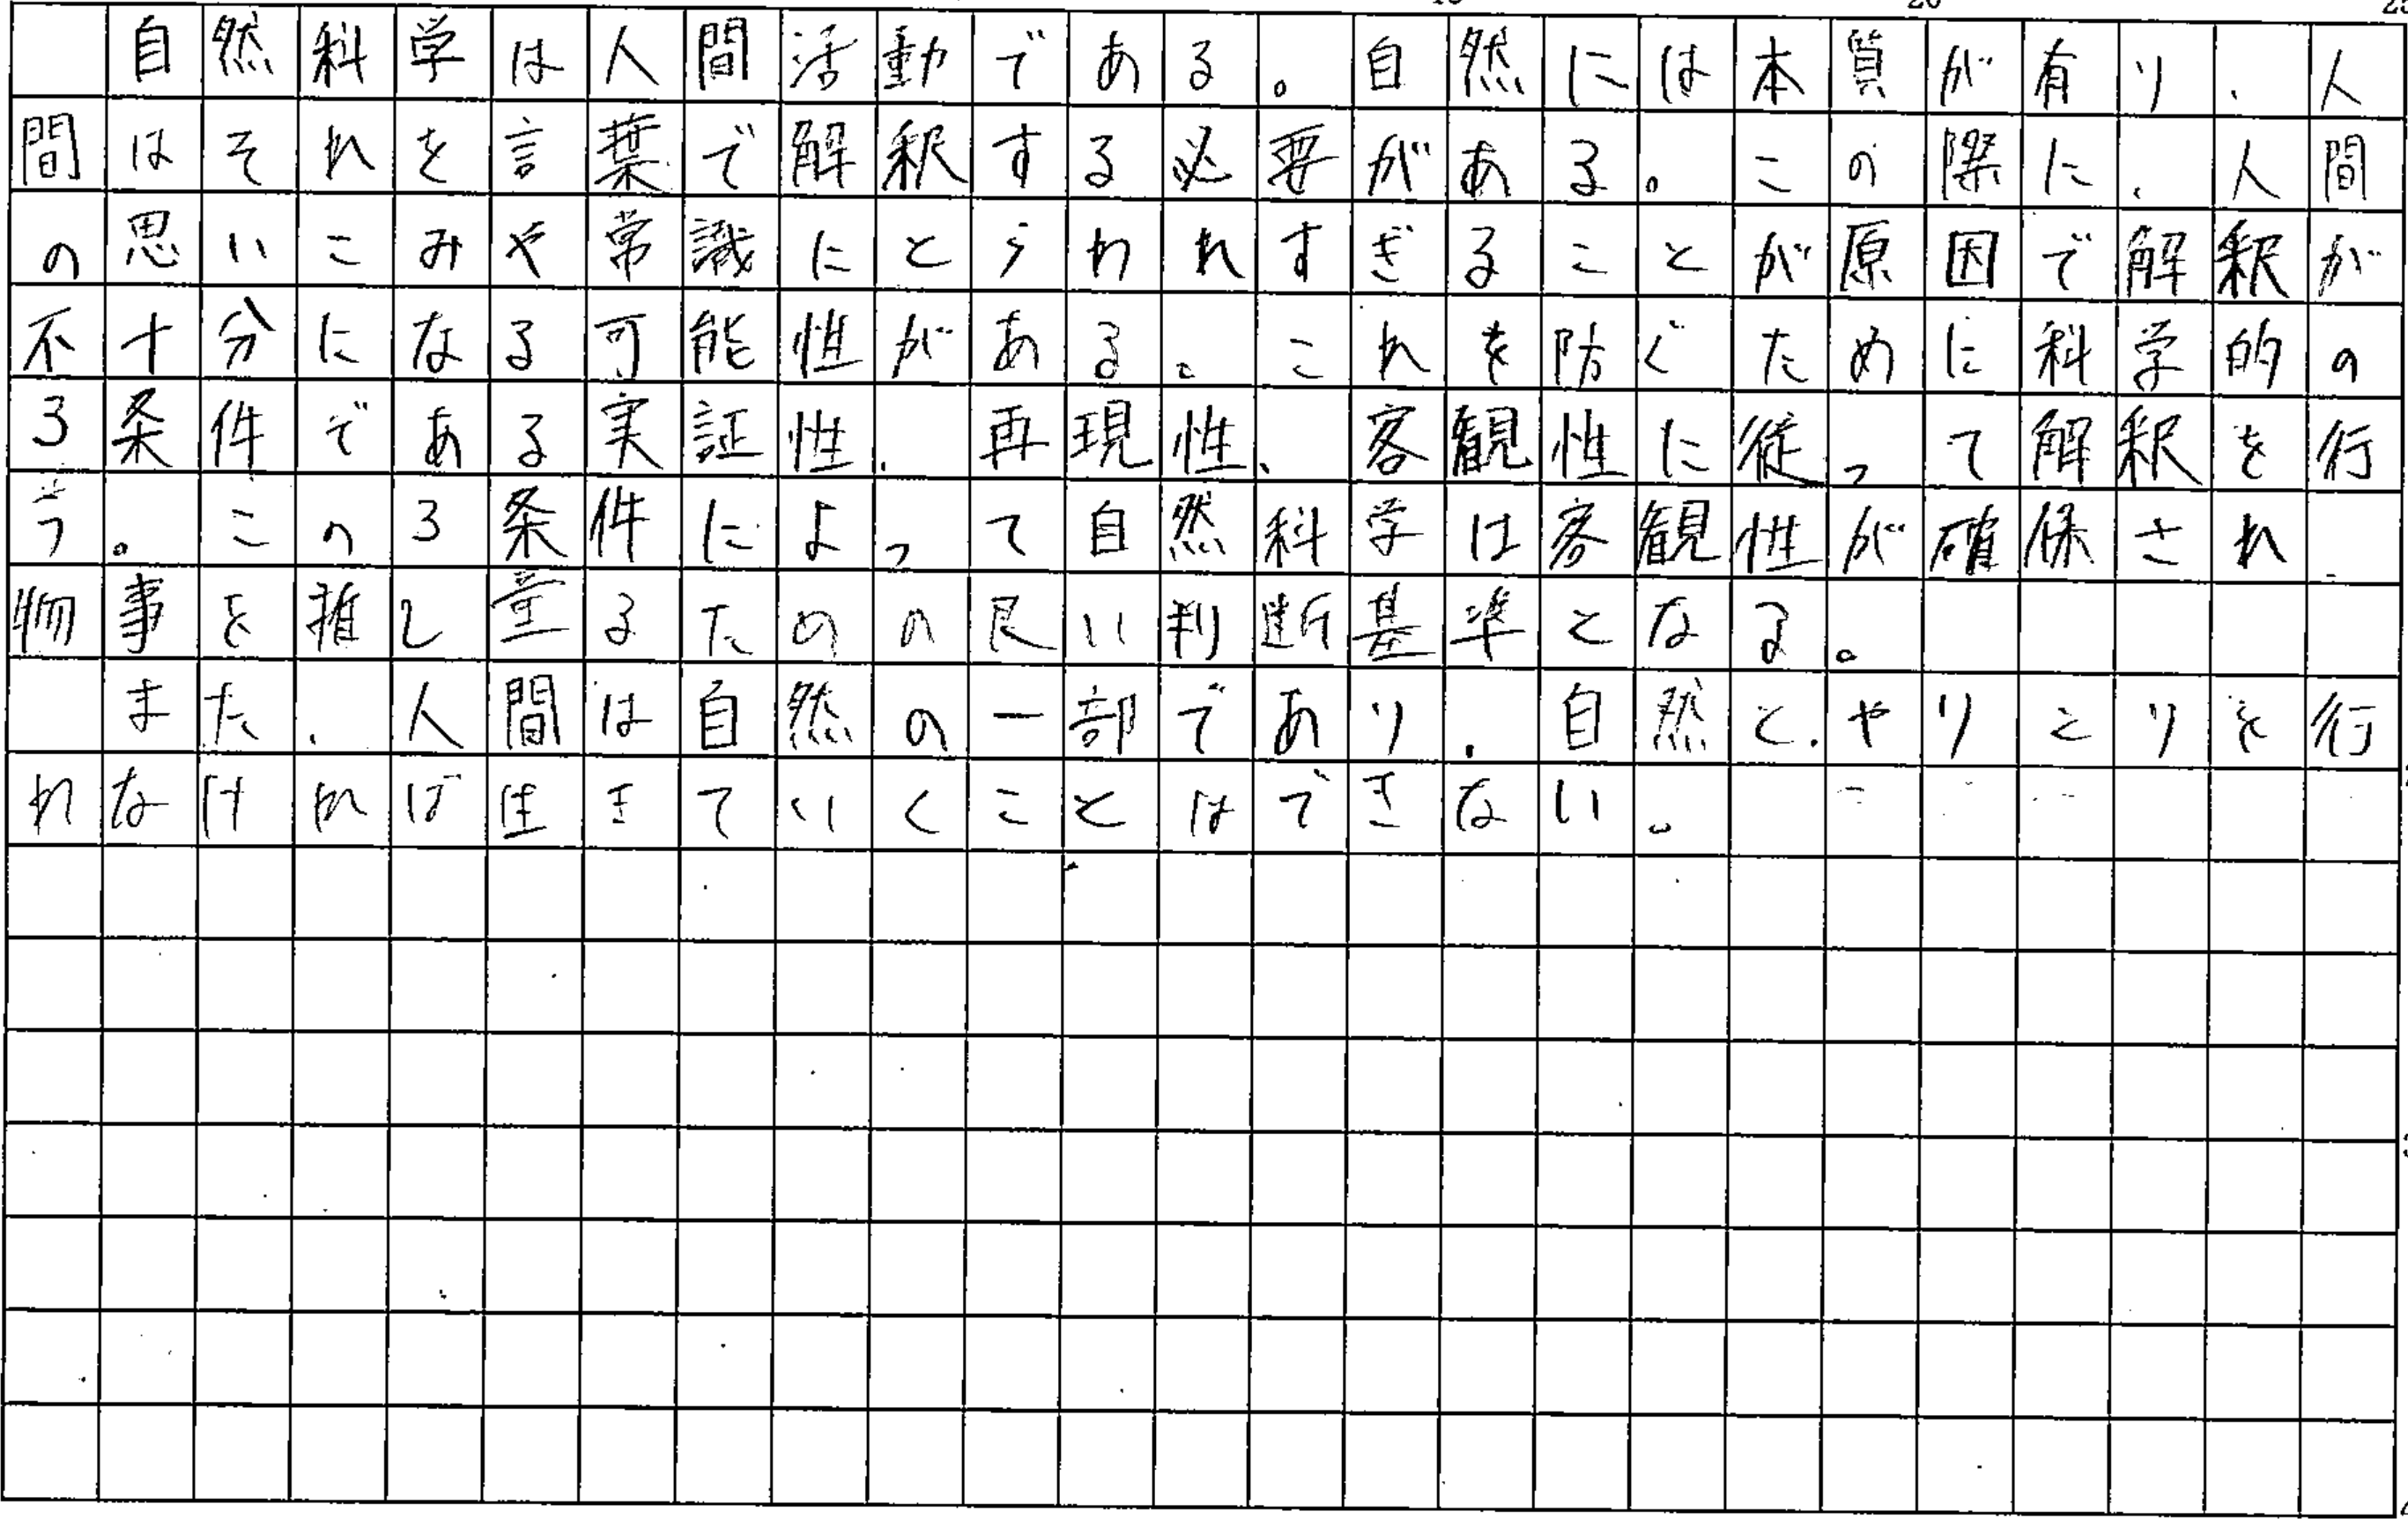  自然科学は人間活動である。自然には本質が有り、人間はそれを言葉で解釈する必要がある。この際に、人間の思いこみや常識にとらわれすぎることが原因で解釈が不十分になる可能性がある。これを防ぐために科学的の３条件である実証性、再現性、客観性に従って解釈を行う。この３条件によって自然科学は客観性が確保され、物事を推し量るための▁い判断基準となる。
　また、人間は自然の一部であり、自然とやりとりを行わなければ生きていくことはできない。
